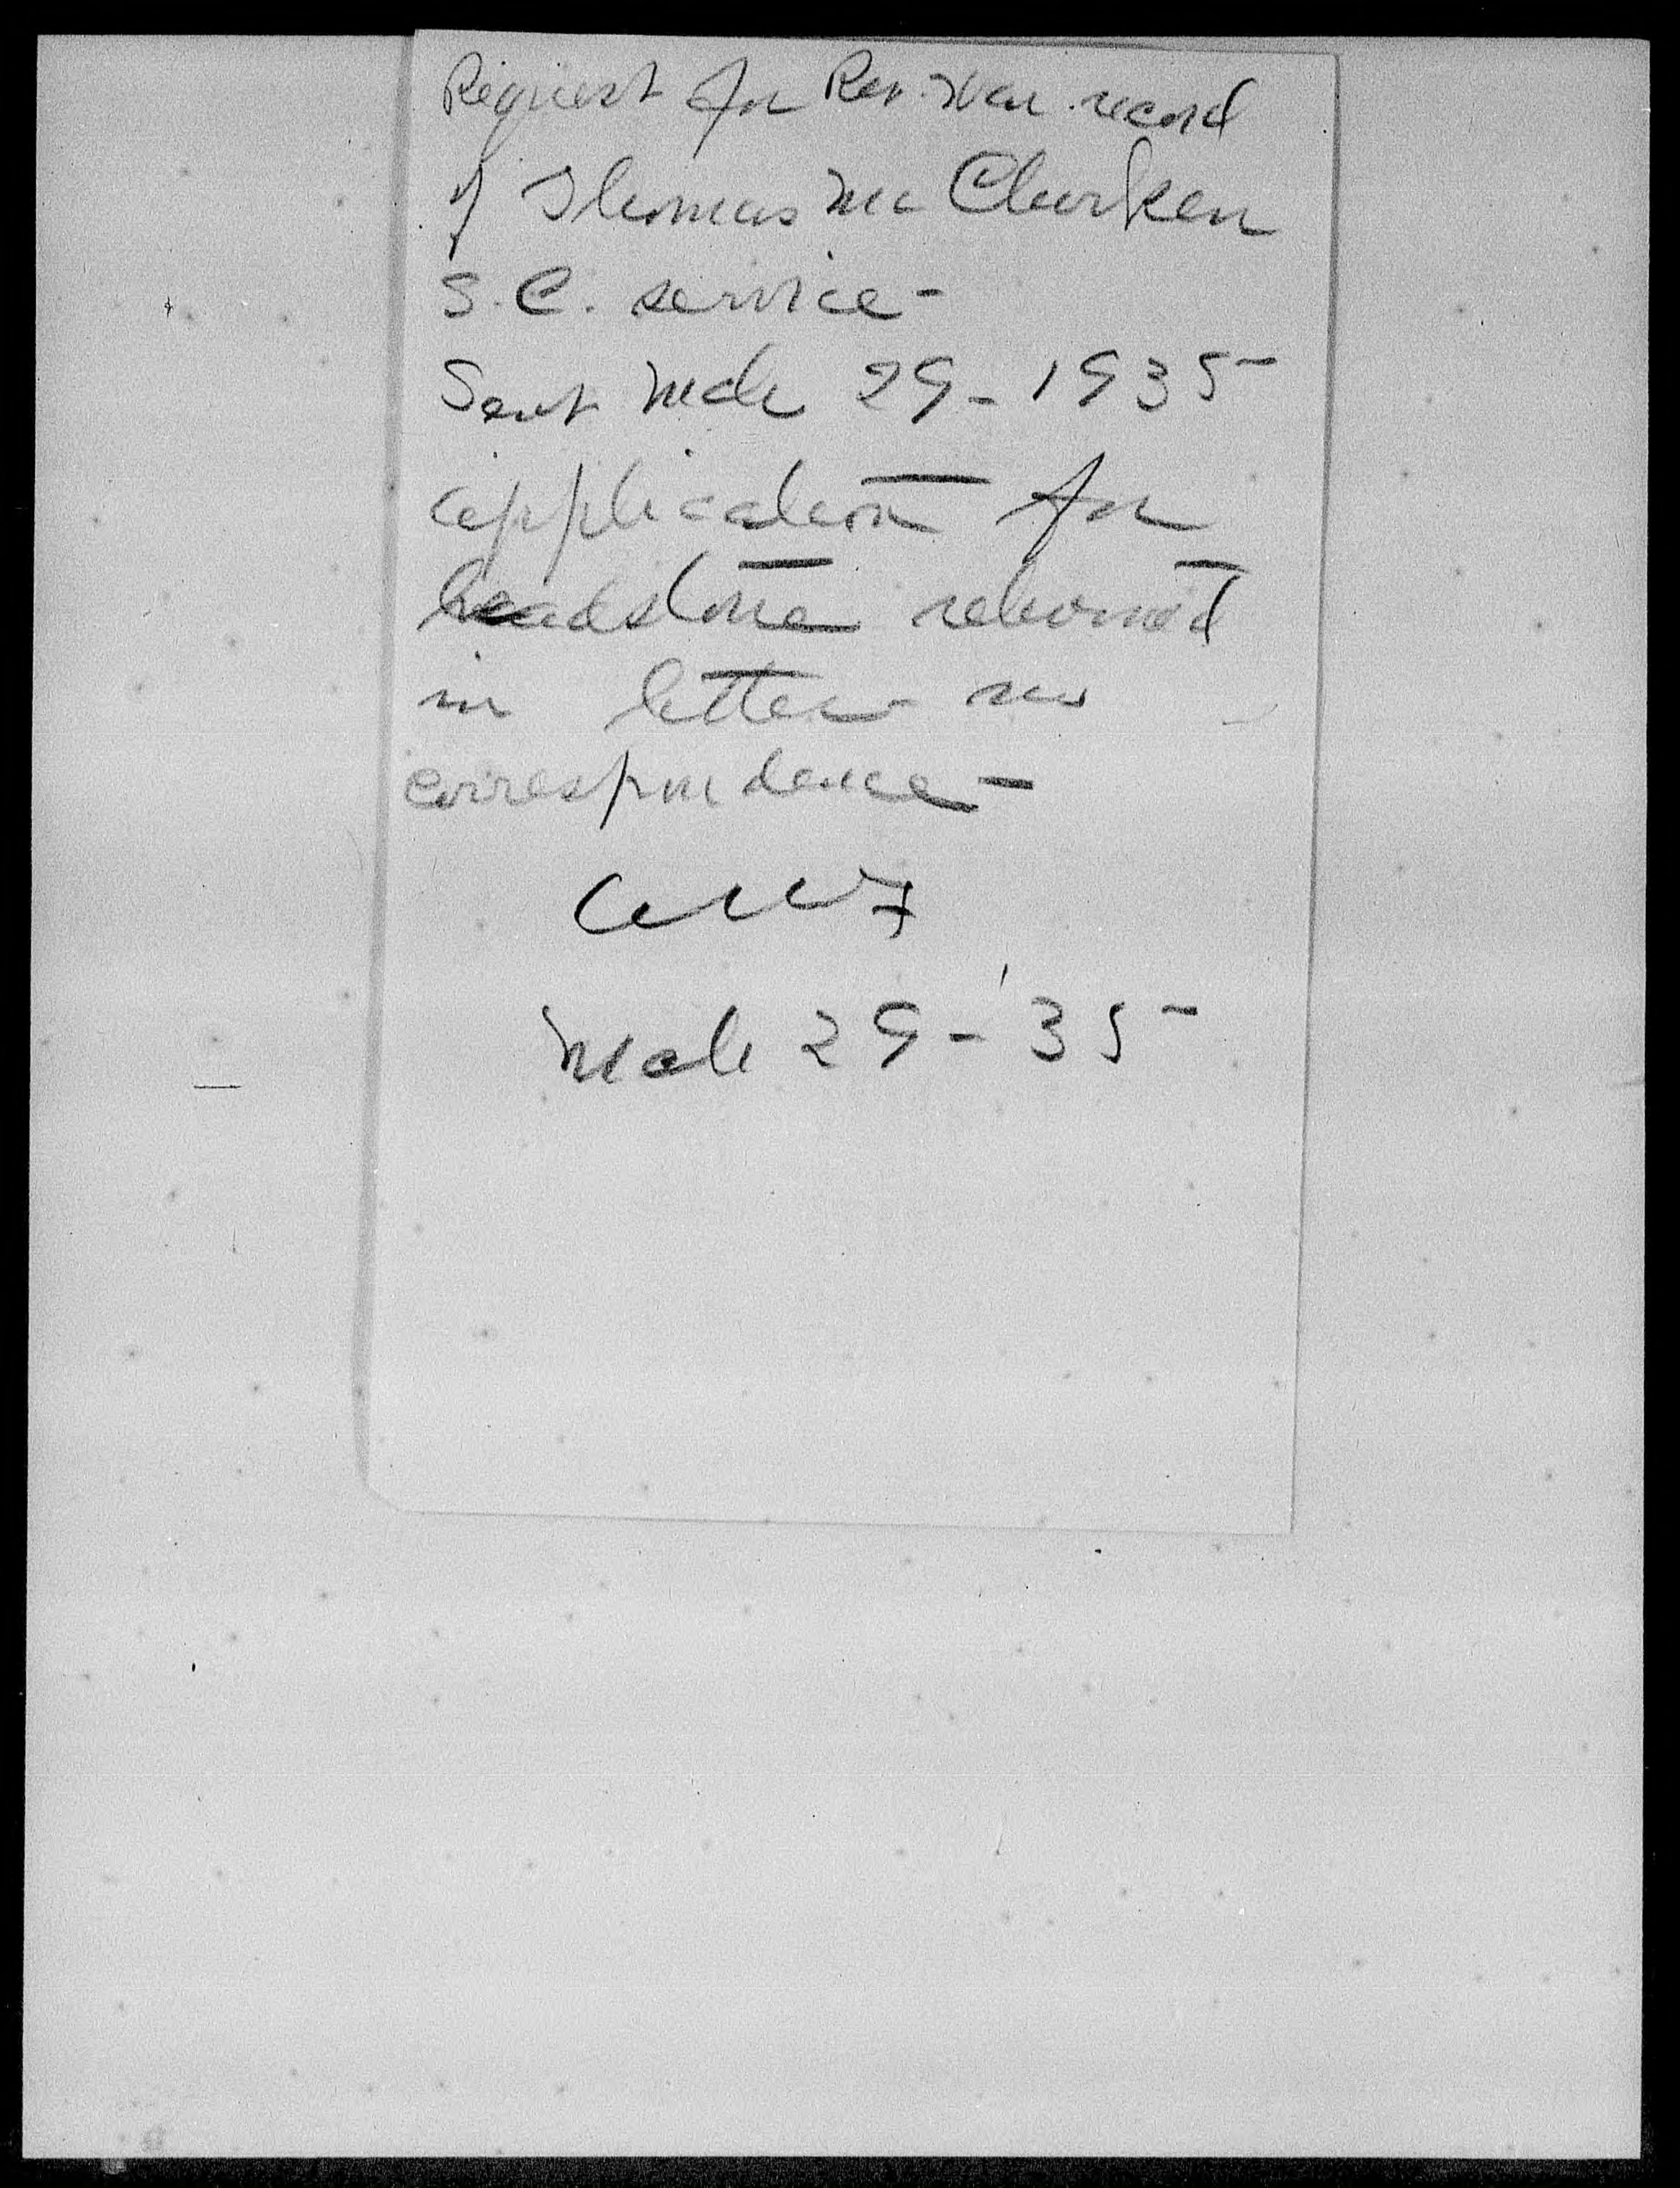Request for Rev. War. record
of Thomas McClurken 
S. C. Service- 
Sent wide 29-1935 
application for 
headstone released
in letter- res
correspondence-

[unintelligible]

male 29-'35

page: 85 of 93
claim: widow's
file: W. 21792, for Thomas Mc Clurken, South Carolina